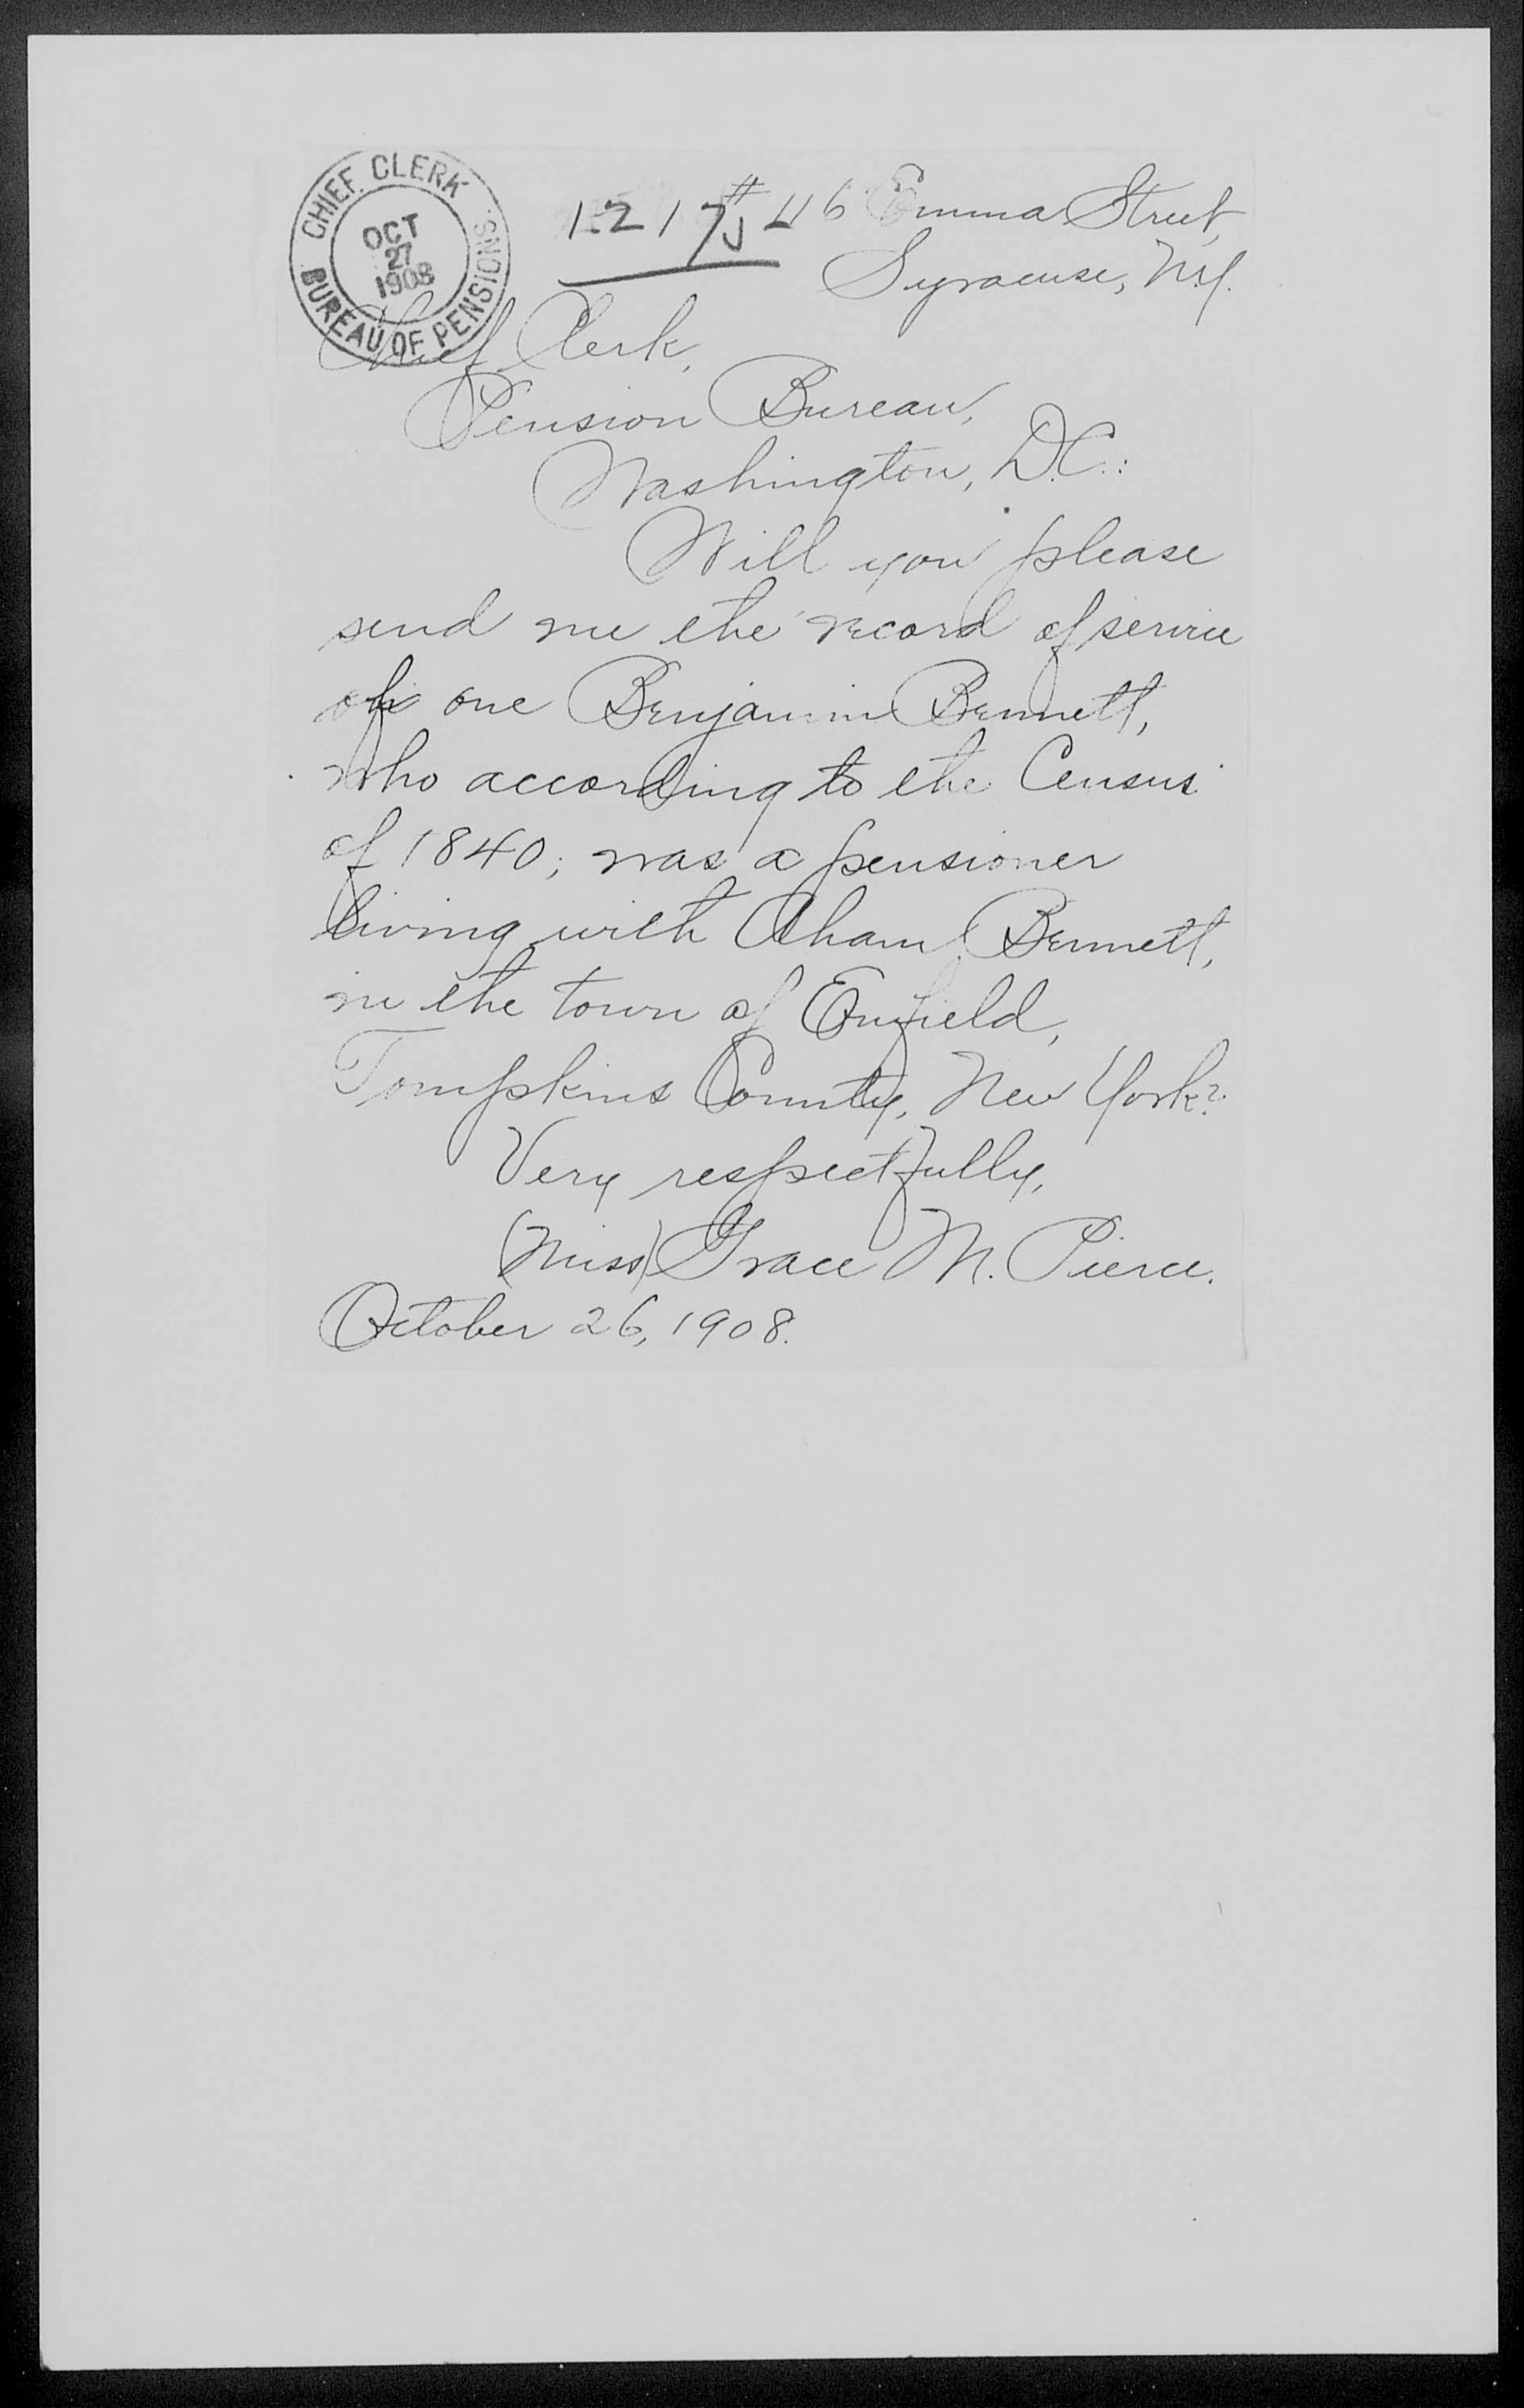[round office stamp in top left corner of page -- CHIEF CLERK BUREAU OF PENSIONS OCT 27 1908] 

1.2175  #116 Emma Street, Syracuse, N.Y.
Chief Clerk, Pension Bureau, Washington, D.C.

Will you please send me the record of service of one Benjamin Bennett, who according to the Census of 1840; was a pensioner living with Aham Bennett, in the town of Enfield, Tompkins County, New York?
Very respectfully (Miss) Grace M. Pierce. 
October 26, 1908.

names: Grace M Pierce, Benjamin Bennett, Abram Bennett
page: 16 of 16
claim: survivor's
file: S. 12175, Benjamin Bennett, Penn.